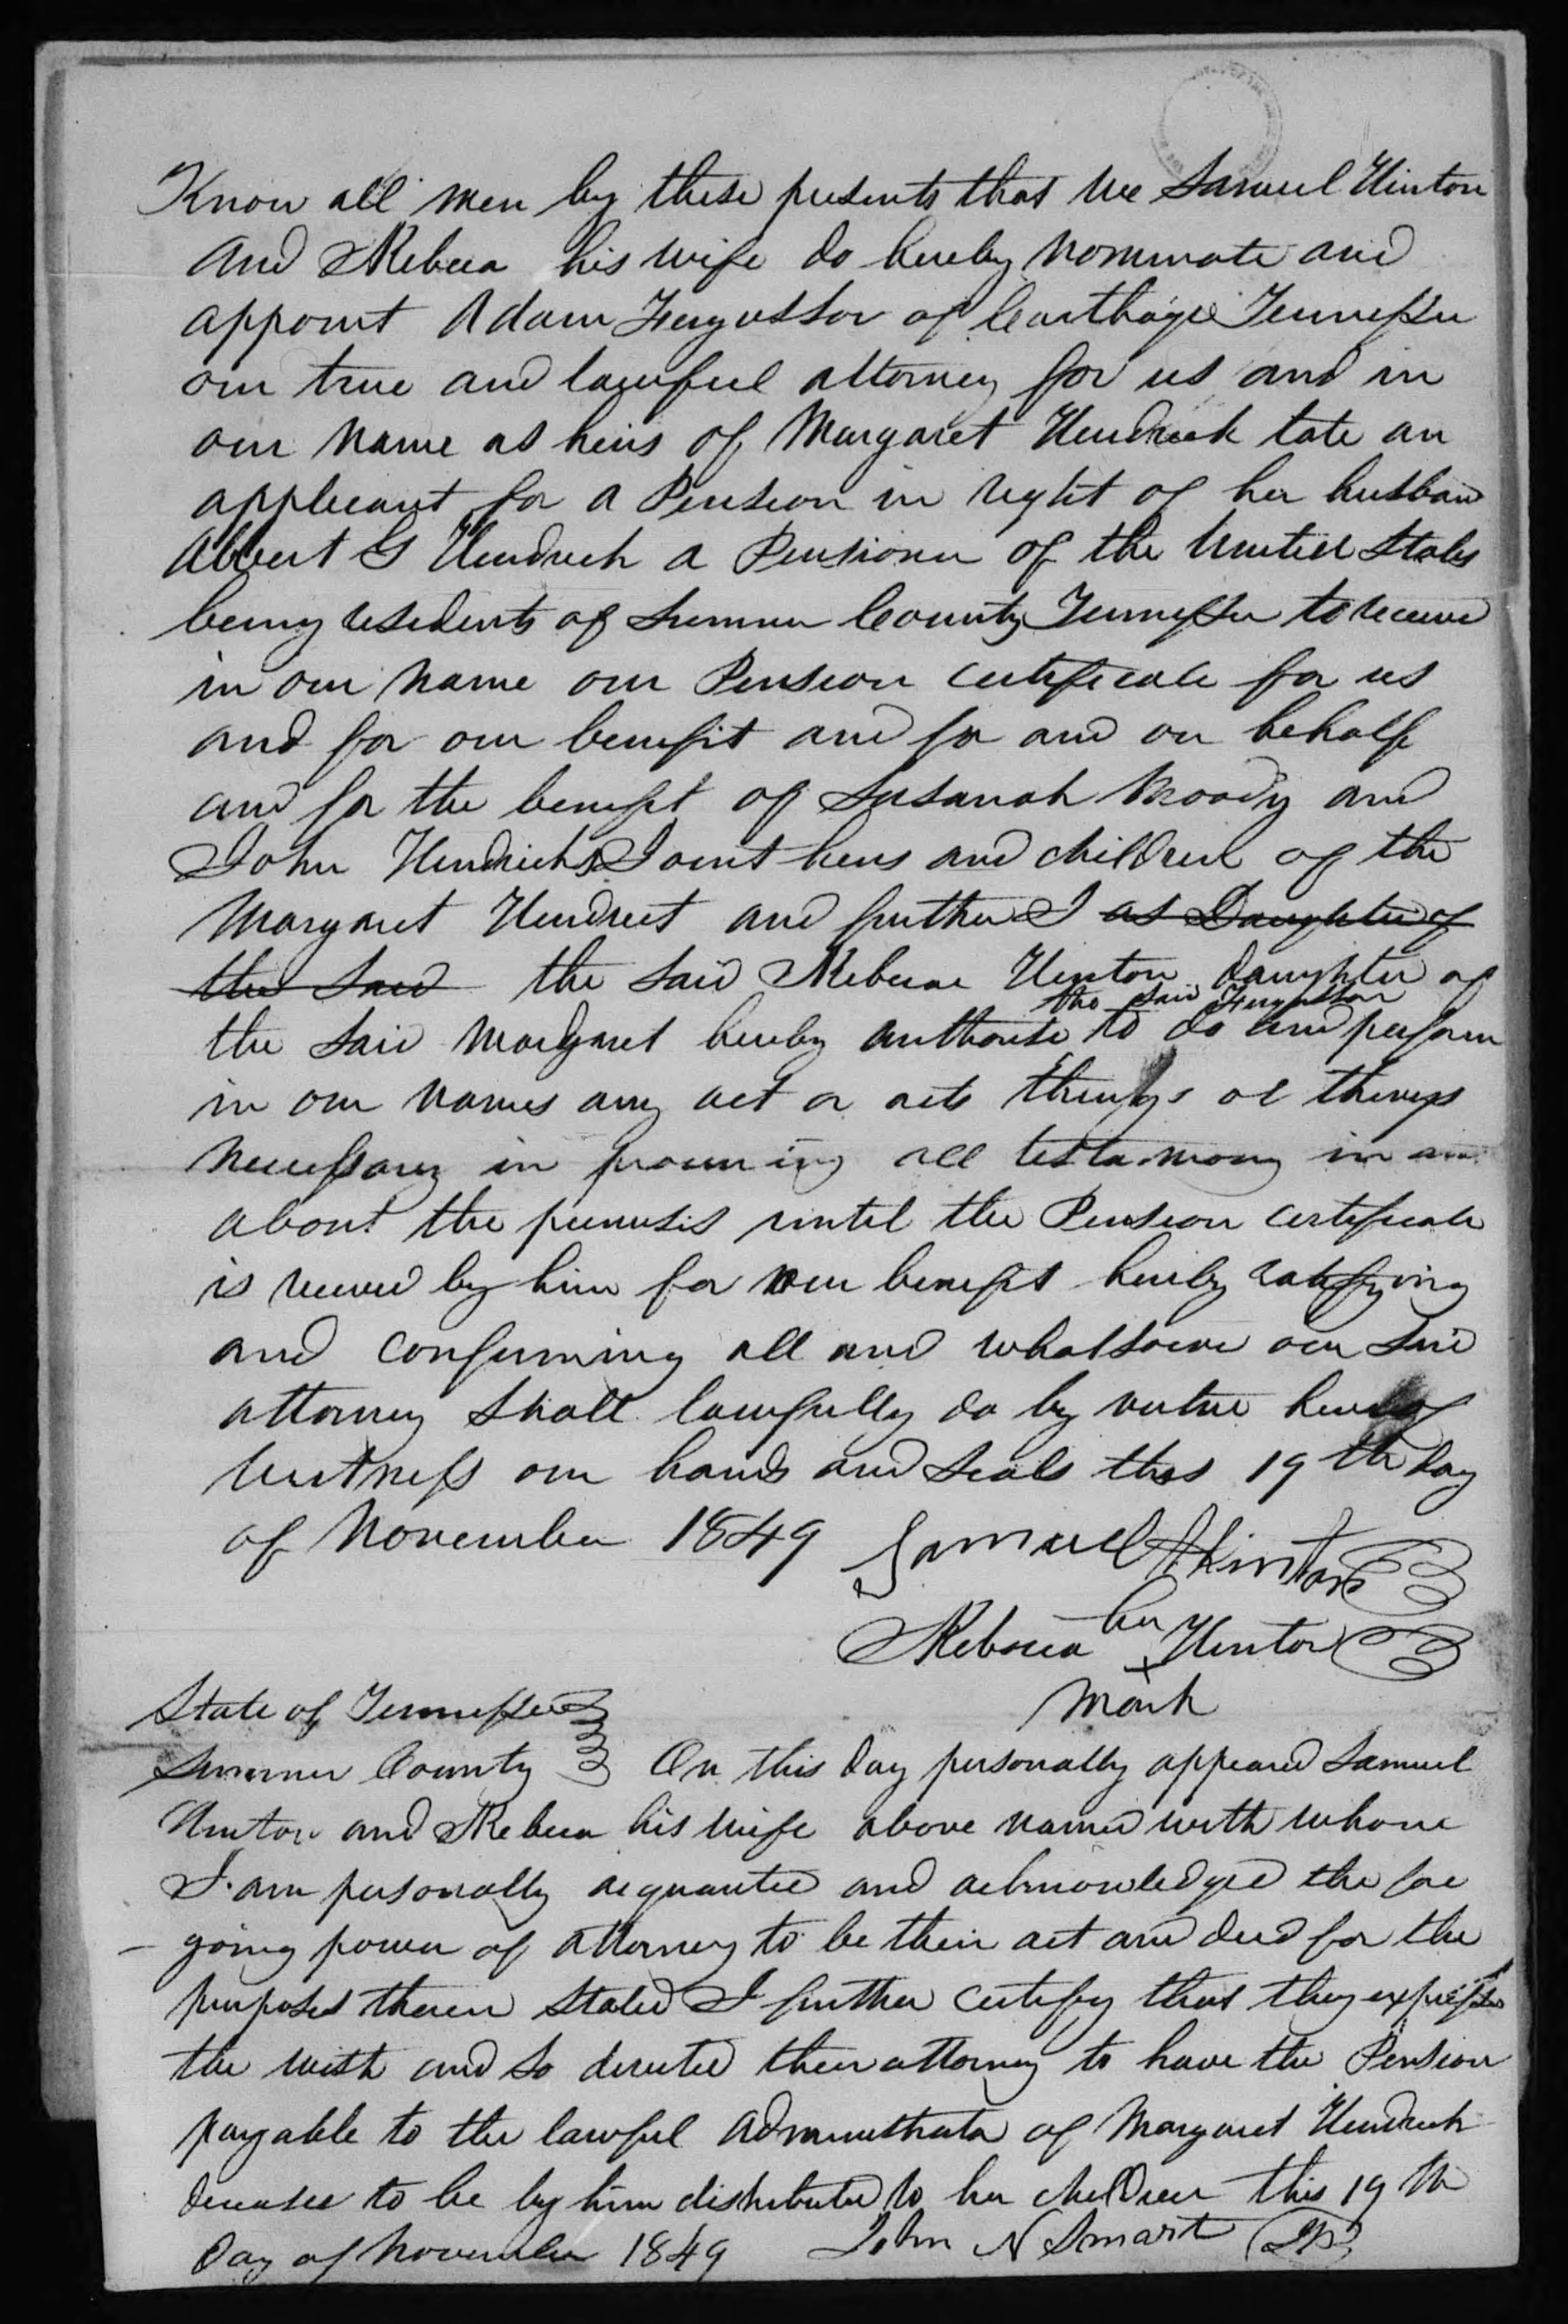[Circular stamp National Archives]
THE NATIONAL ARCHIVES OF THE UNITED STATES

Know all men by these presents that we Samuel Hinton 
and Rebeca his wife do hereby nominate and 
appoint Adam Fergusson of Carthage Tennessee 
our true and lawful attorney for us and in 
our name as heirs of Margaret Hendrick late an 
applicant for a pension in right of her husband 
Albert G Hendrick a pensioner of the United States 
being residents of Sunny County Tennessee to receive 
in our name our Pension Certificate for us 
and for our benefit and for and on behalf 
and for the benefit of Susanah Moody and 
John Hendricks joint heirs and children of the 
Margaret Hendrick and further I [struck out: as daughter of 
the said] the said Rebecae Hinton daughter of 
the said Margaret hereby authorise [aurhorize] the said Fergusson to do and perform
in our names any act or acts thing or things 
necessary in prosecuting all testimony in or 
about the premises until the Pension Certificate 
is received by him for our benefit hereby certifying 
and confirming all and whatsoever our said 
Attorney shall lawfully do by virtue hereof
Witness our hands and seals this 19th day 
of November 1849 Samuel Hinton 
Rebecca her X mark Hinton

State of Tennessee }
Sumner County } On this day personally appeared Samuel 
Hinton and Rebeca his wife above named with whom 
I am personally acquainted and acknowledged the fore
going power of attorney to be their act and deed for the 
purposes therein stated I further certify that they expressed 
the wish and so directed their attorney to have the Pension 
payable to the lawful administrator of Margaret Hendrick 
deceased to be by him distributed to her children this 19th 
day of November 1849 John N Smart [encircled JP]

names: Margaret Hendrect, Samuel Hinton, Susanah Moody, Rebecae Hinton, Samul Hinton, Albert G Hendrick, John Hendricks, Margaret, Margaret Hendrick, Margaret Hendrick, Rebecca Hinton, Rebeca, Rebeca, John N Smart, Fergusson, Samuel Hinton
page: 75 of 76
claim: widow's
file: W. 83, Albert Hendricks, Continental Md. N.C.